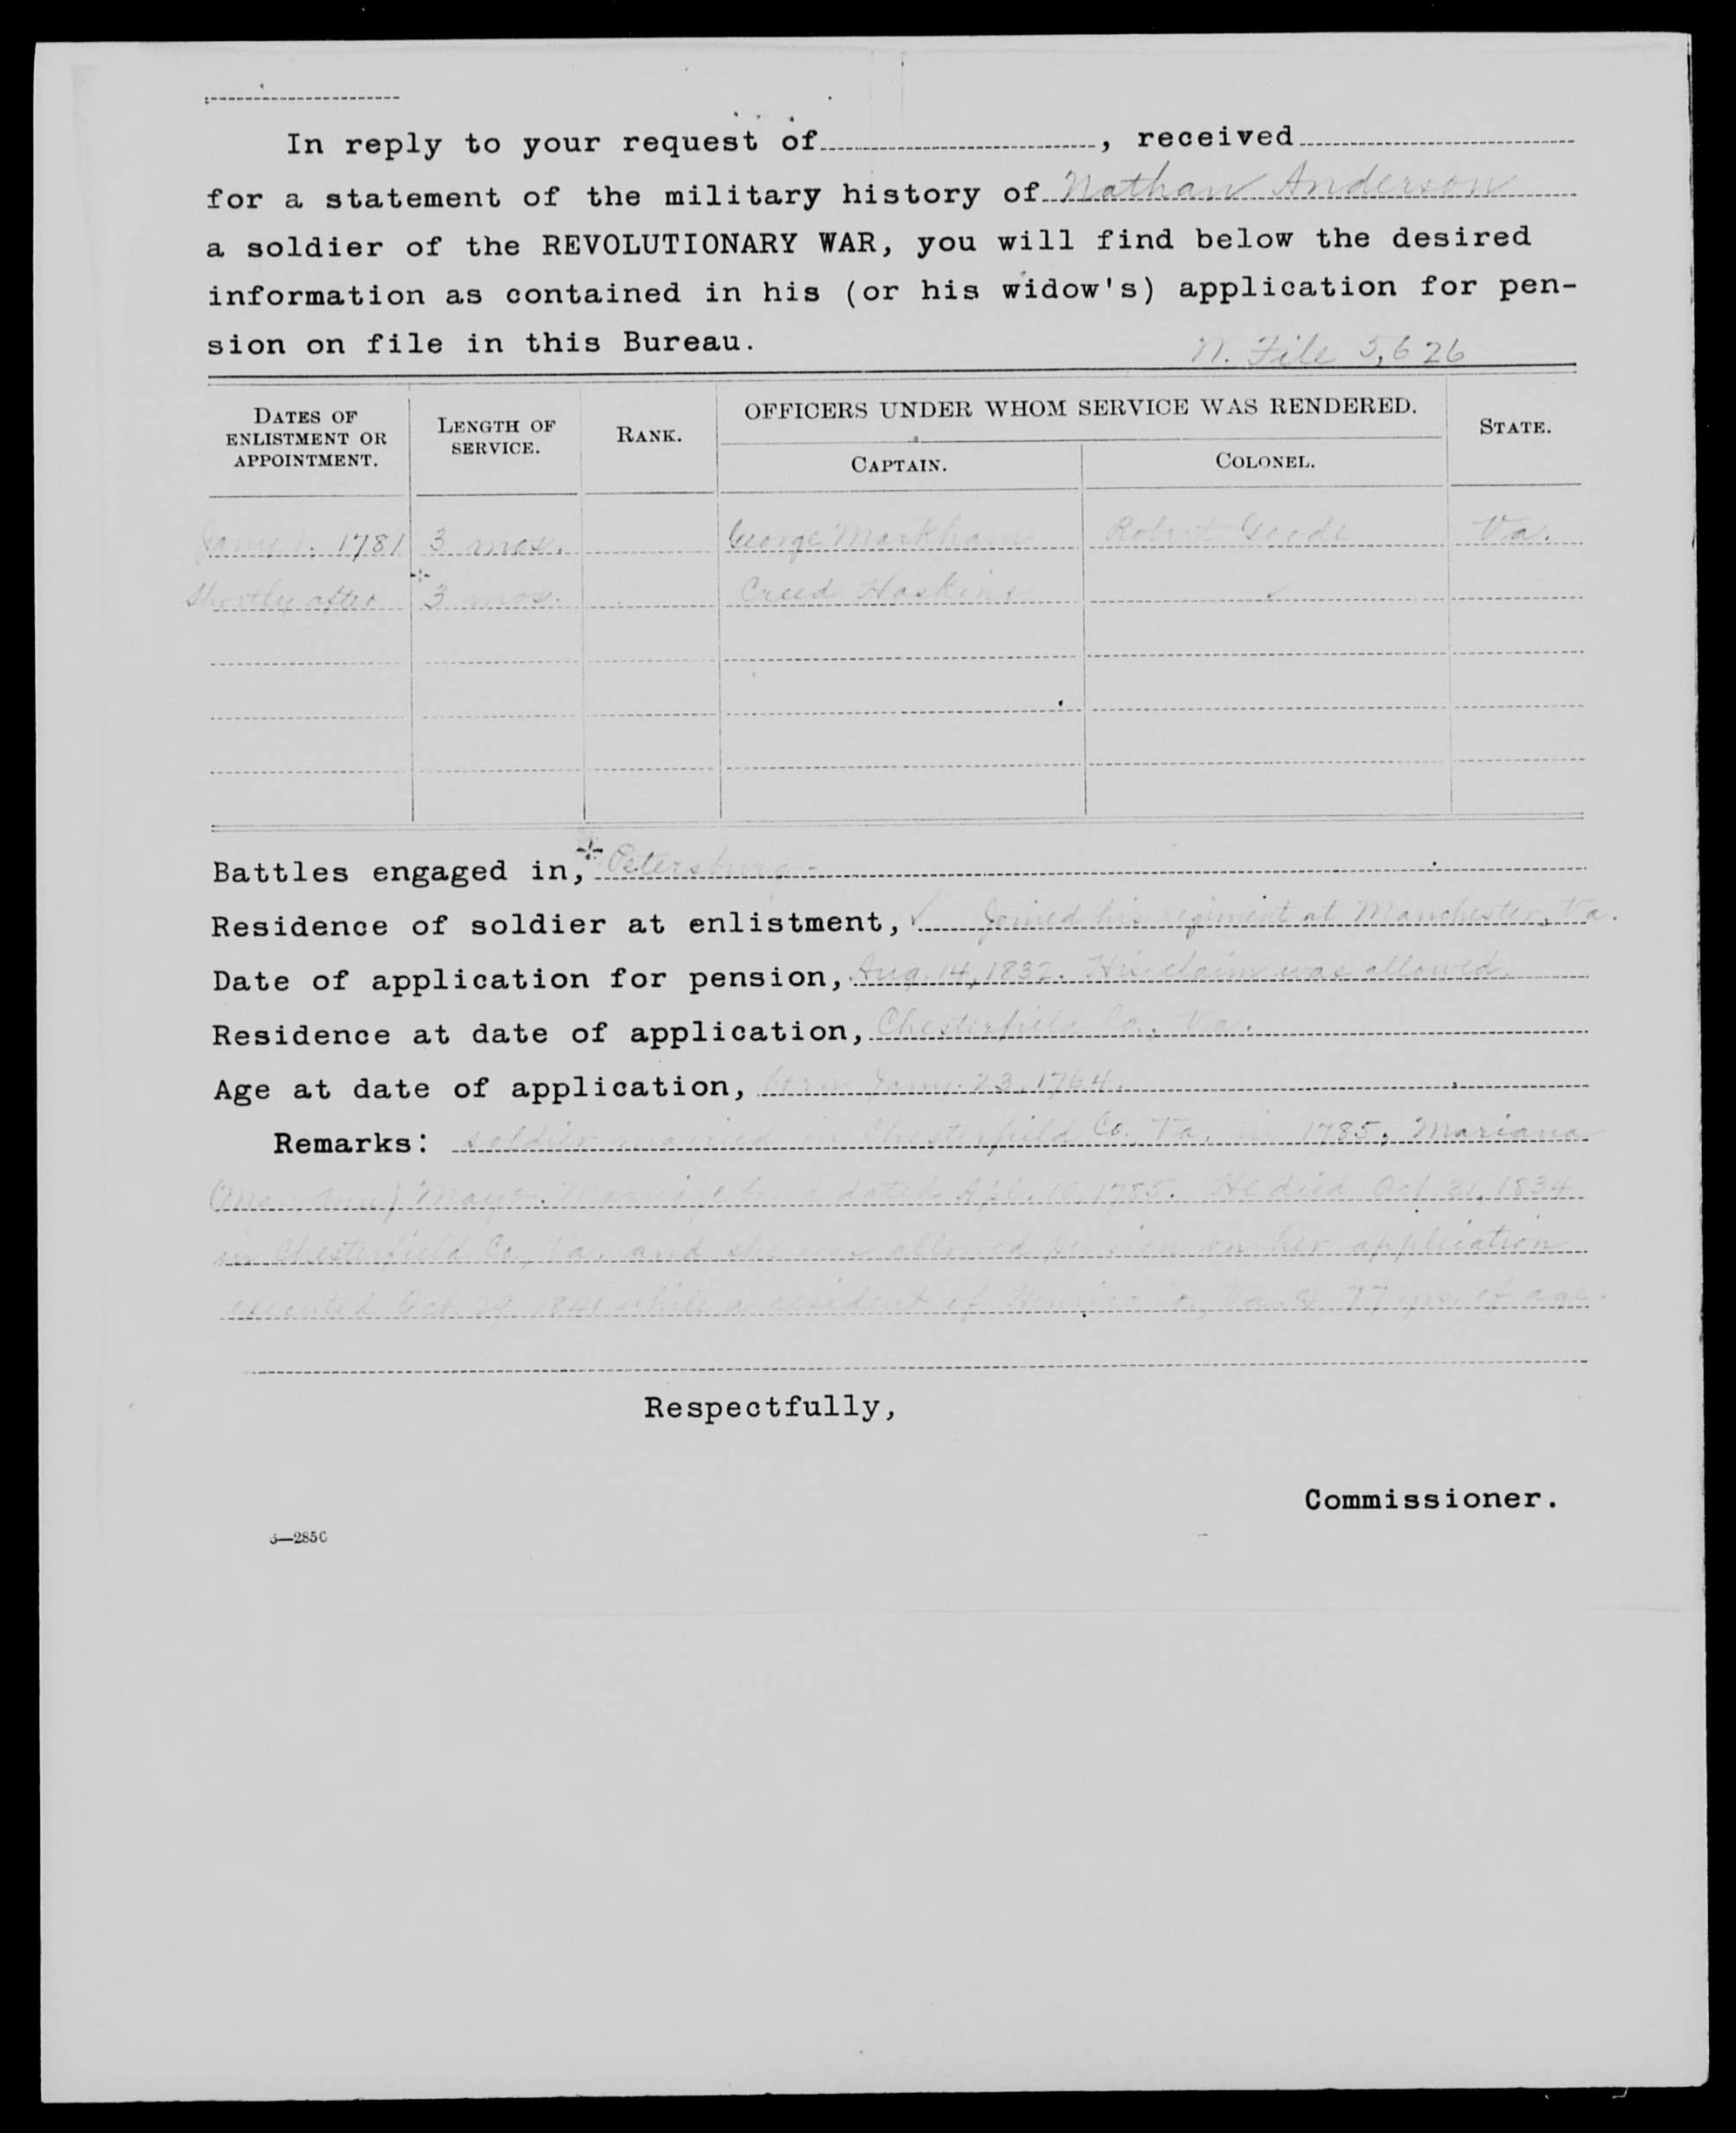In reply to your request of - , received - for a statement of the military history of Nathan Anderson a soldier of the REVOLUTIONARY WAR, you will find below the desired information as contained in his (or his widow's) application for pension on file in this Bureau. W. File 5,626
DATES OF ENLISTMENT OR APPOINTMENT. || LENGTH OF SERVICE. || RANK. || OFFICERS UNDER WHOM SERVICE WAS RENDERED. CAPTAIN. COLONEL.  || STATE.
June 1, 1781 || 3 mos. || — || George Markham | Robert Goode || Va.
Shortly after || *3 mos.  || — || Creed Haskins

Battles engaged in, *Petersburg.
Residence of soldier at enlistment, Joined his regiment at Manchester, Va.
Date of application for pension, Aug. 14, 1832. His claim was allowed.
Residence at date of application, Chesterfield Co., Va.
Age at date of application, born Jany. 23, 1764.
Remarks: soldier married in Chesterfield Co., Va, in 1785, Mariana (Mari Anna) Mayo. Marriage bond dated Apl. 10, 1785. He died Oct. 31, 1834 in Chesterfield Co., Va. and she was allowed pension on her application executed Oct. 29, 1841 while a resident of Henrico Co., Va. & 77 yrs. of age.
Respectfully,
Commissioner.

3—285C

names: Creed Haskins, George Markham, Nathan Anderson, Robert Goode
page: 15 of 43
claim: widow's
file: W. 5,626, Nathan Anderson, Va.